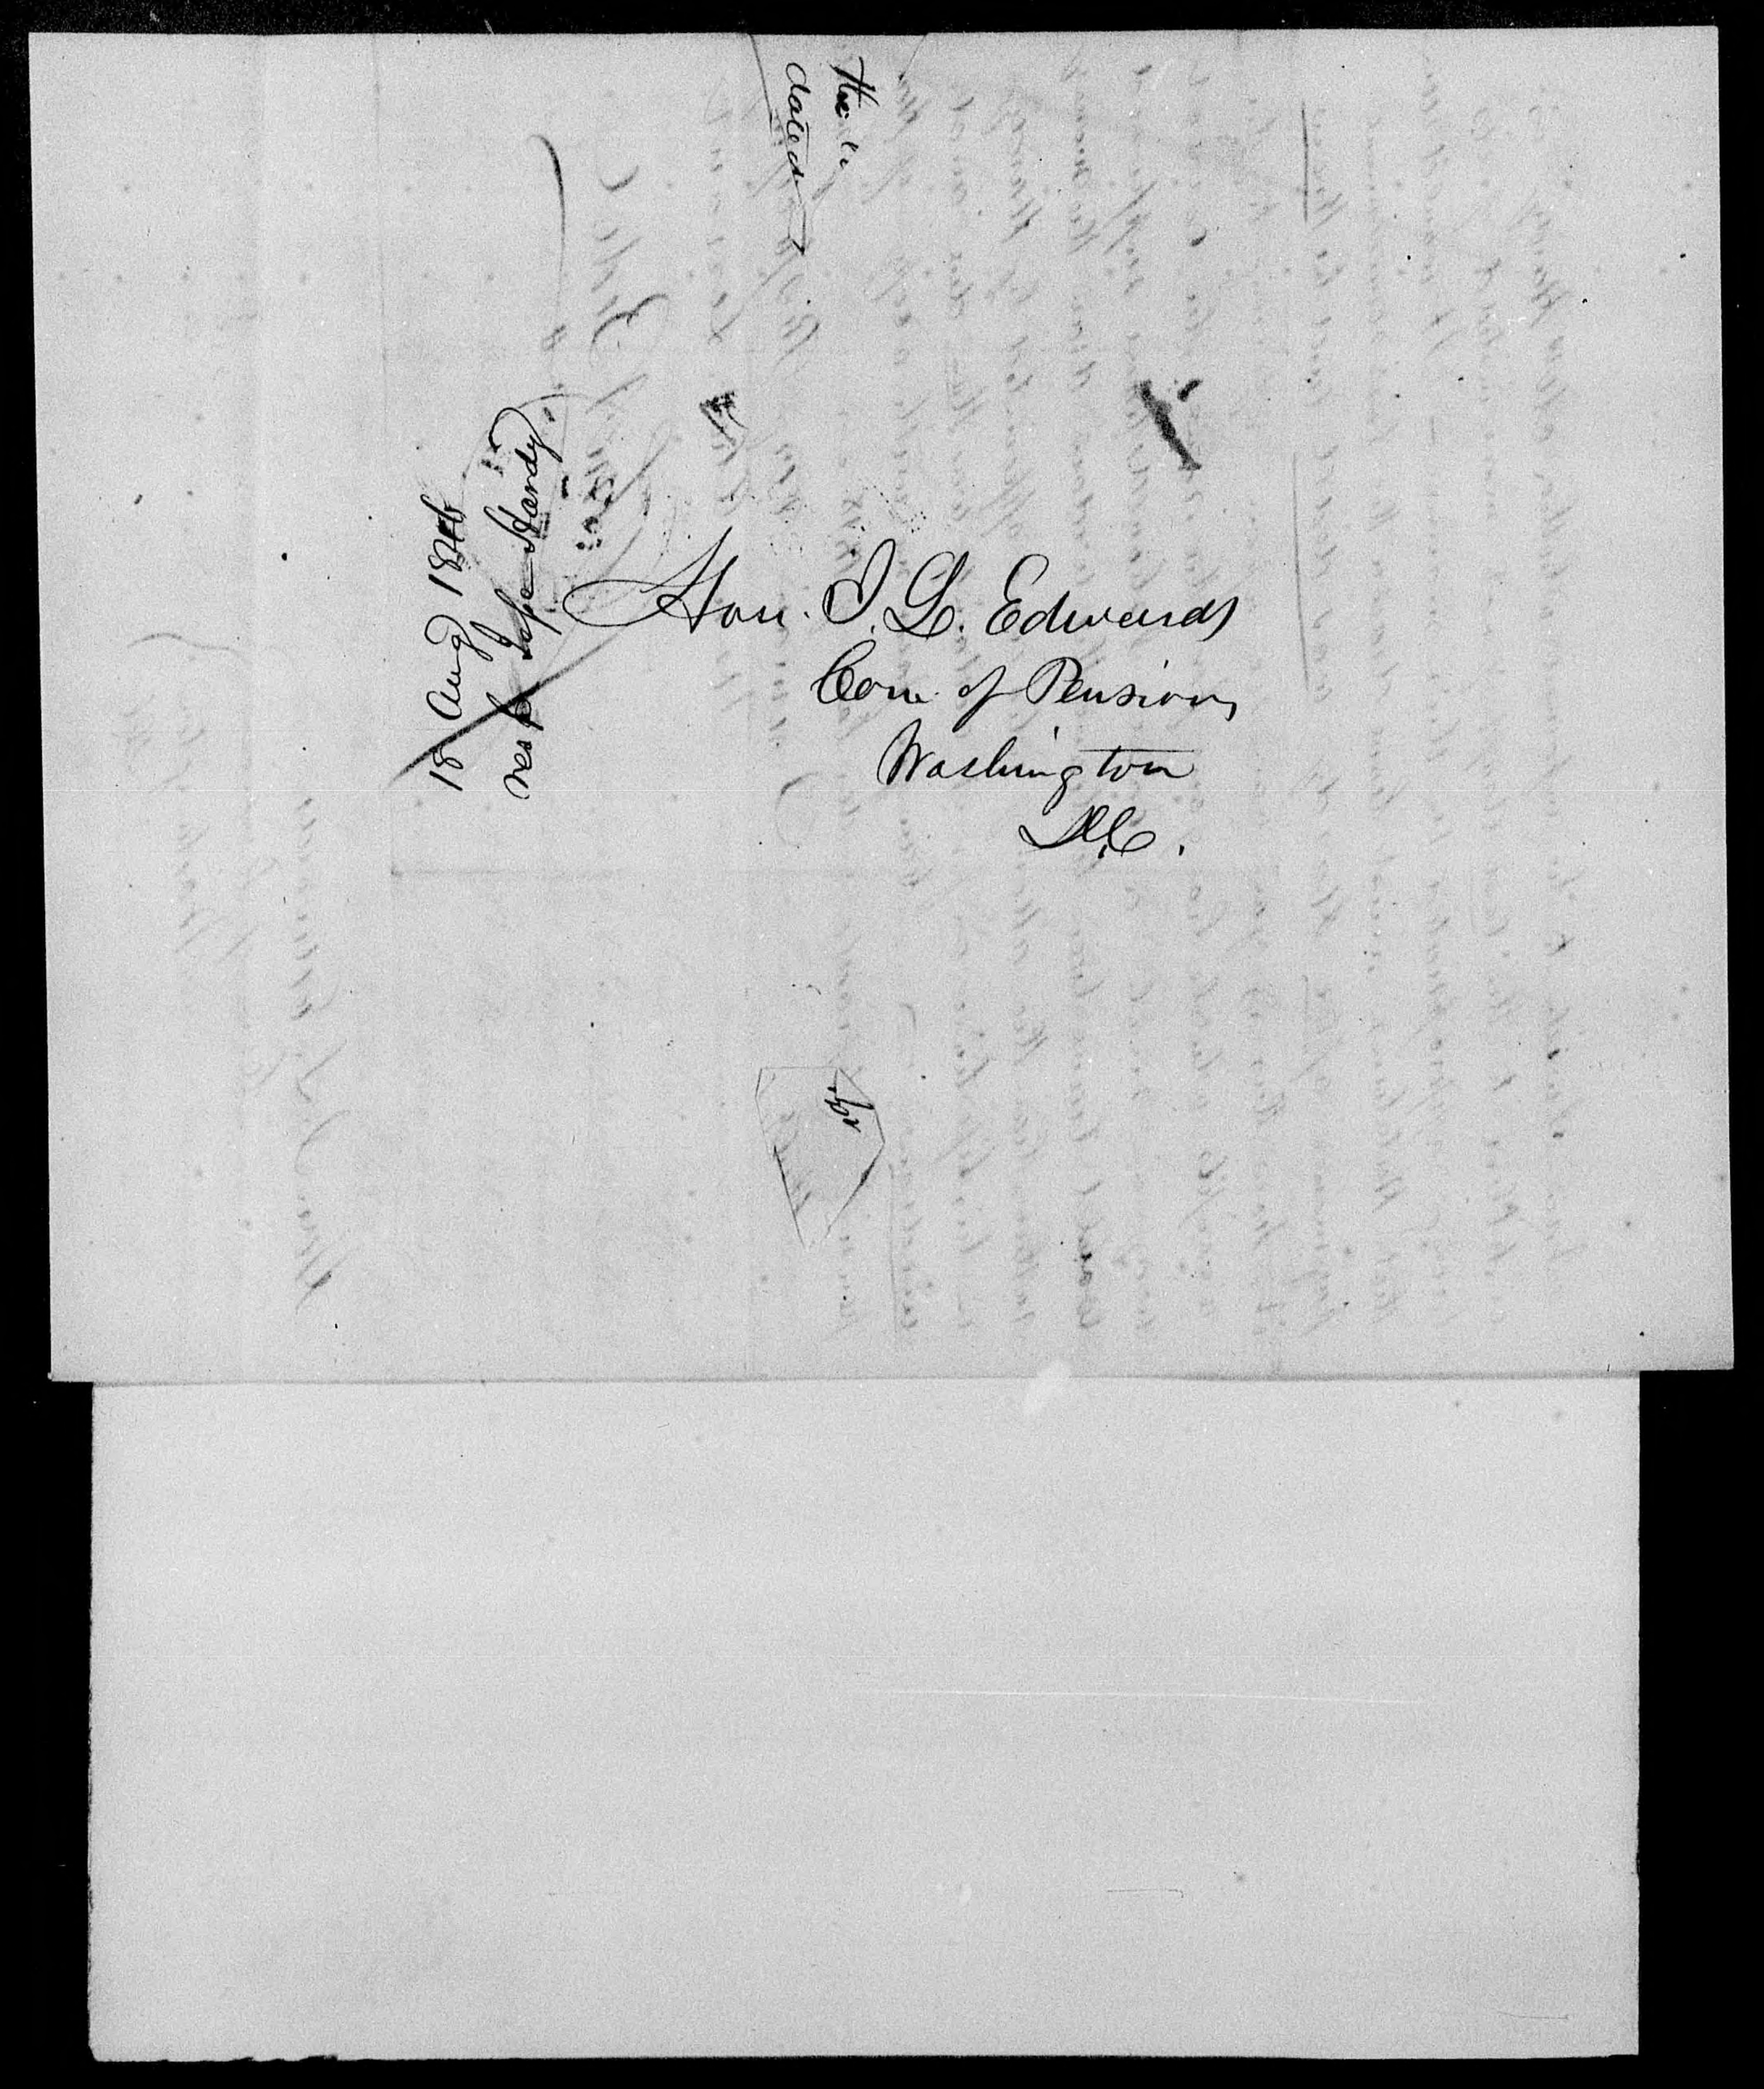19 Aug 1826
Res for Jesse Hardy
Hon. J. L. Edwards
Com of Pensions Washington DC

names: Jesse Hardy, J L Edwards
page: 49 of 67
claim: widow's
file: W. 23183, Jesse Hardy, Mass.